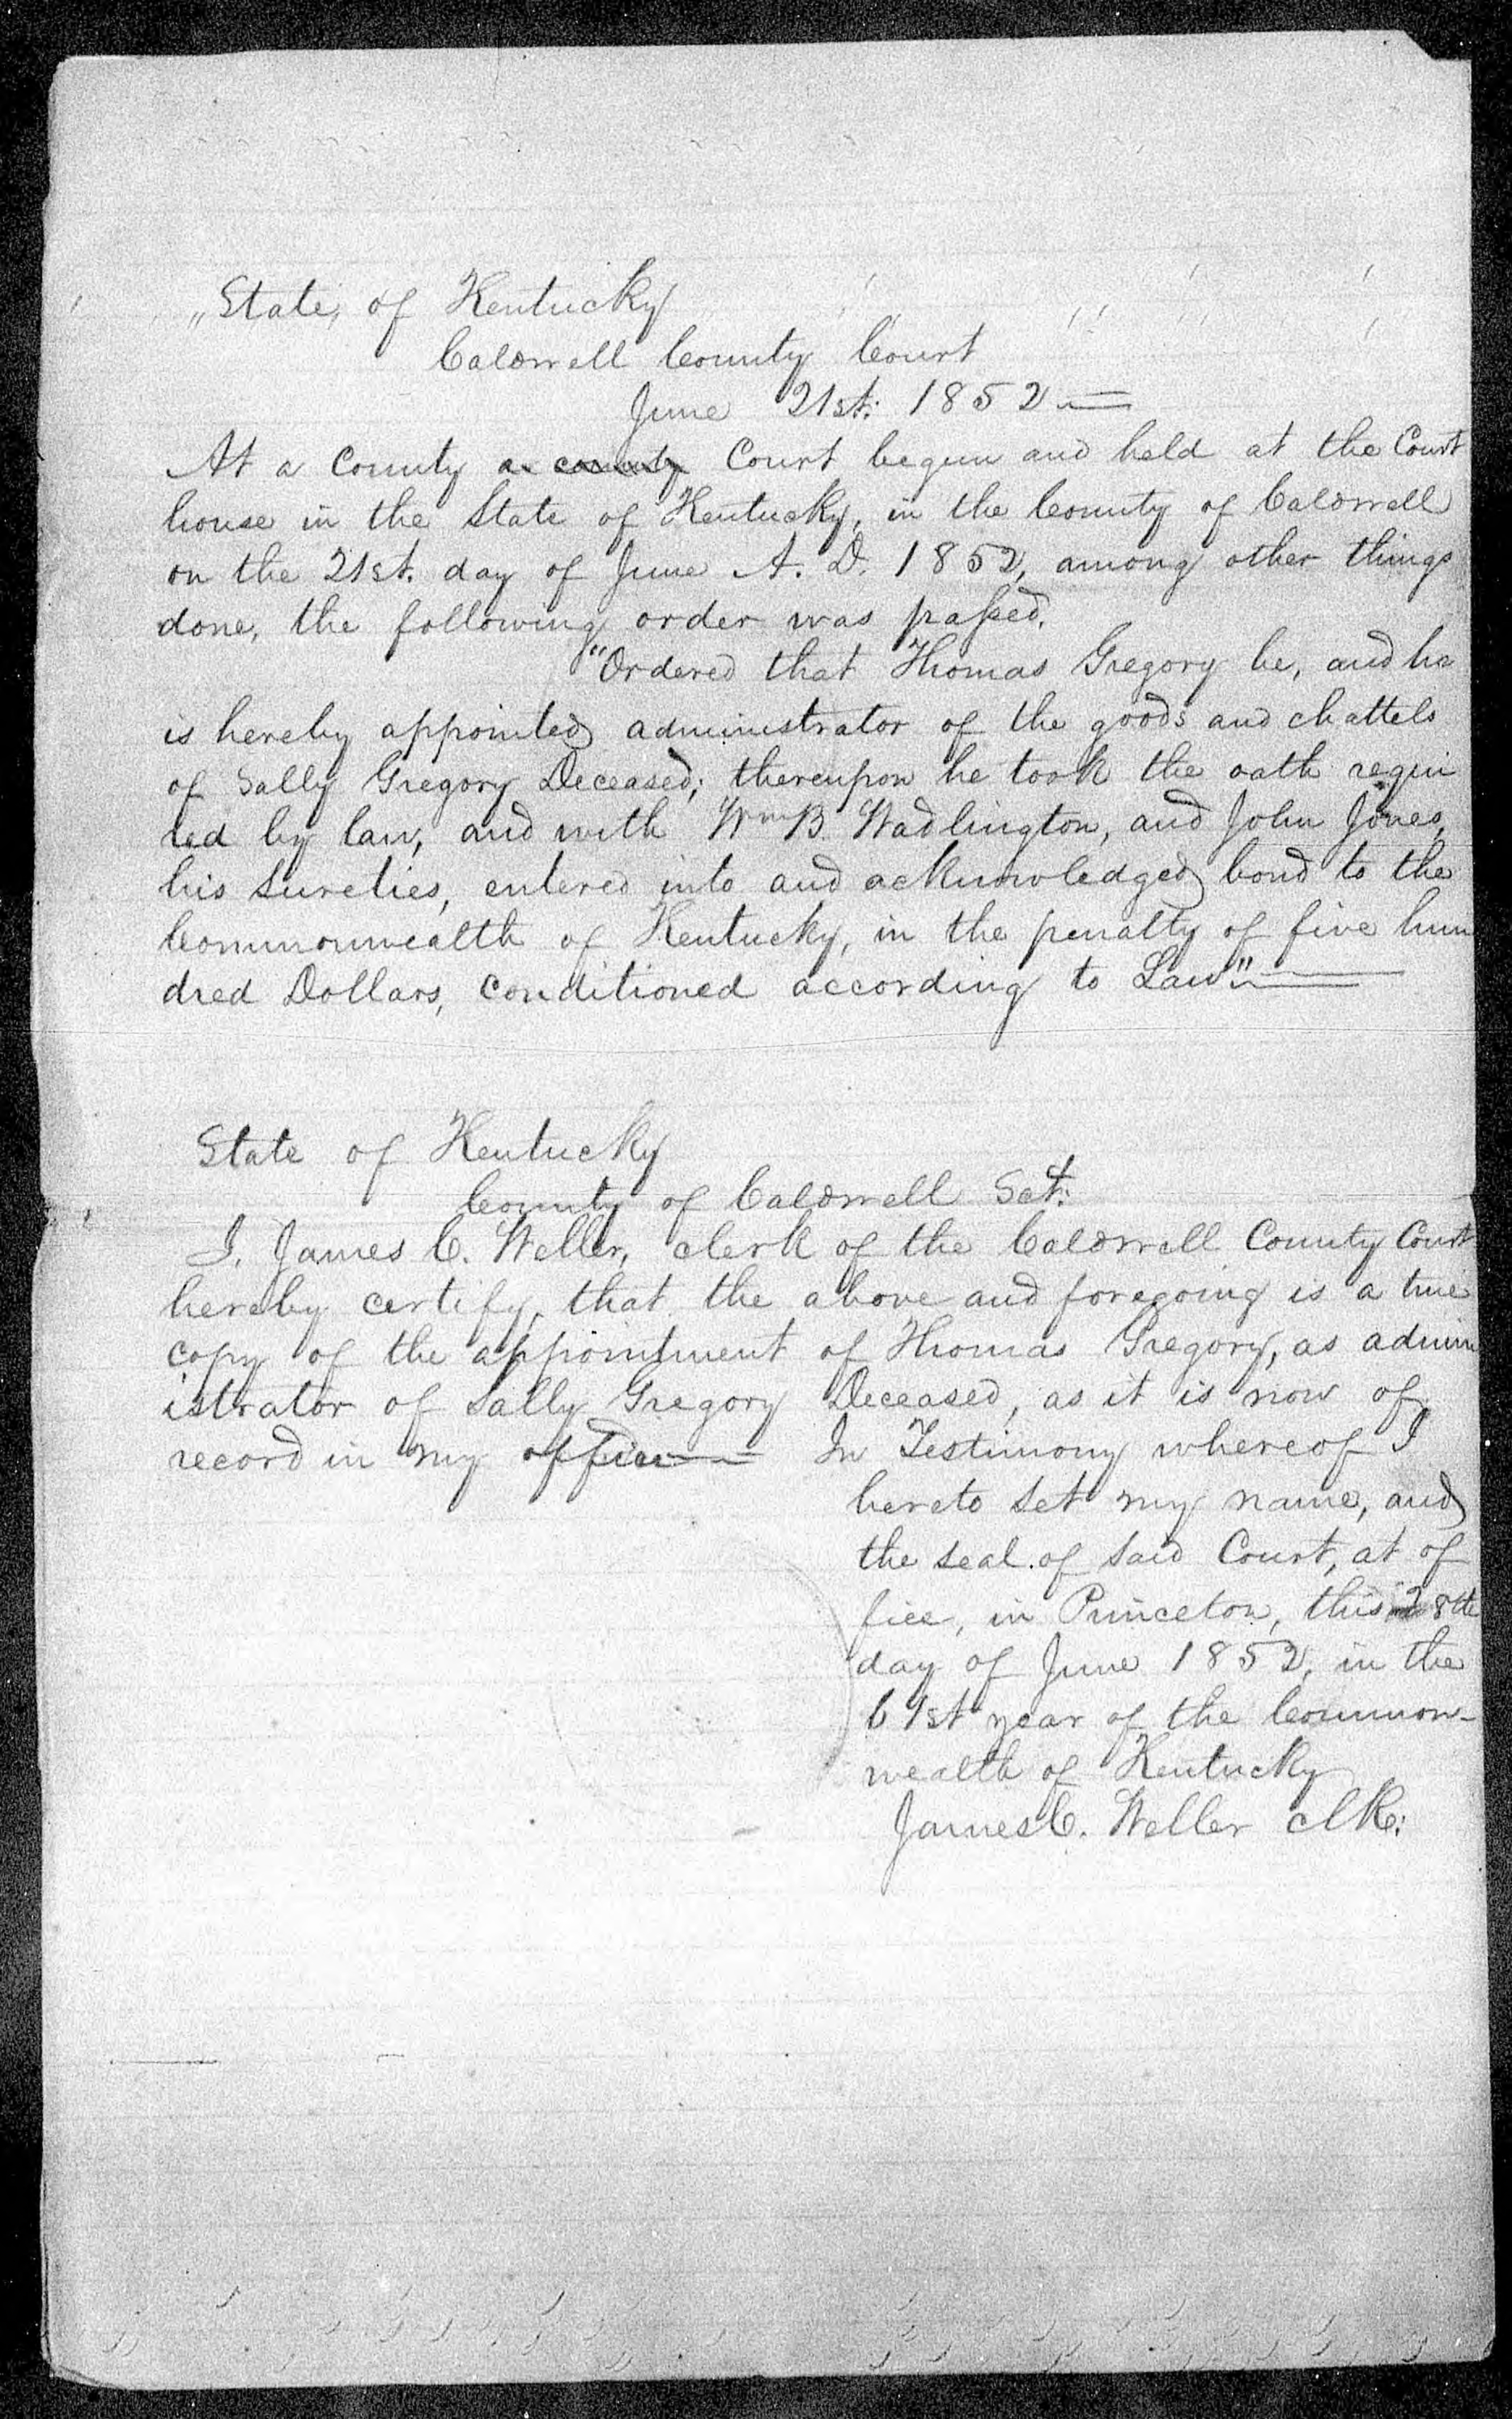State of Kentucky
Caldwell County Court
June 21st. 1852--
At a County [marked out: a county] Court begun and held at the Courthouse in the State of Kentucky, in the County of Caldwell on the 21st day of June A. D. 1852, among other things done, the following order was passed.
"Ordered that Thomas Gregory be, and he is hereby appointed administrator of the goods and chattels of Sally Gregory Deceased; thereupon he took the oath required by law, and with Wm. B. Washington, and John Jones his Sureties, entered into and acknowledged bond to the Commonwealth of Kentucky, in the penalty of five hundred Dollars, conditioned according to Law"

State of Kentucky
County of Caldwell Sct.
I, James C. Weller, clerk of the Caldwell County Court hereby certify that the above and foregoing is a true copy of the appointment of Thomas Gregory, as administrator of Sally Gregory Deceased, as it is now of record in my office.
In Testimony whereof I hereto Set my name, and the seal of Said Court, at office, in Princeton, this 28th day of June 1852, in the 61st year of the Commonwealth of Kentucky
James C. Weller clk.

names: John Jones, James C Weller, Sally Gregory, James Weller, Sally Gregory, Thomas Gregory, Thomas Gregory, Wm B Wadlington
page: 37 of 75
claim: widow's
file: W. 8876, Thomas Gregory, Continental Va